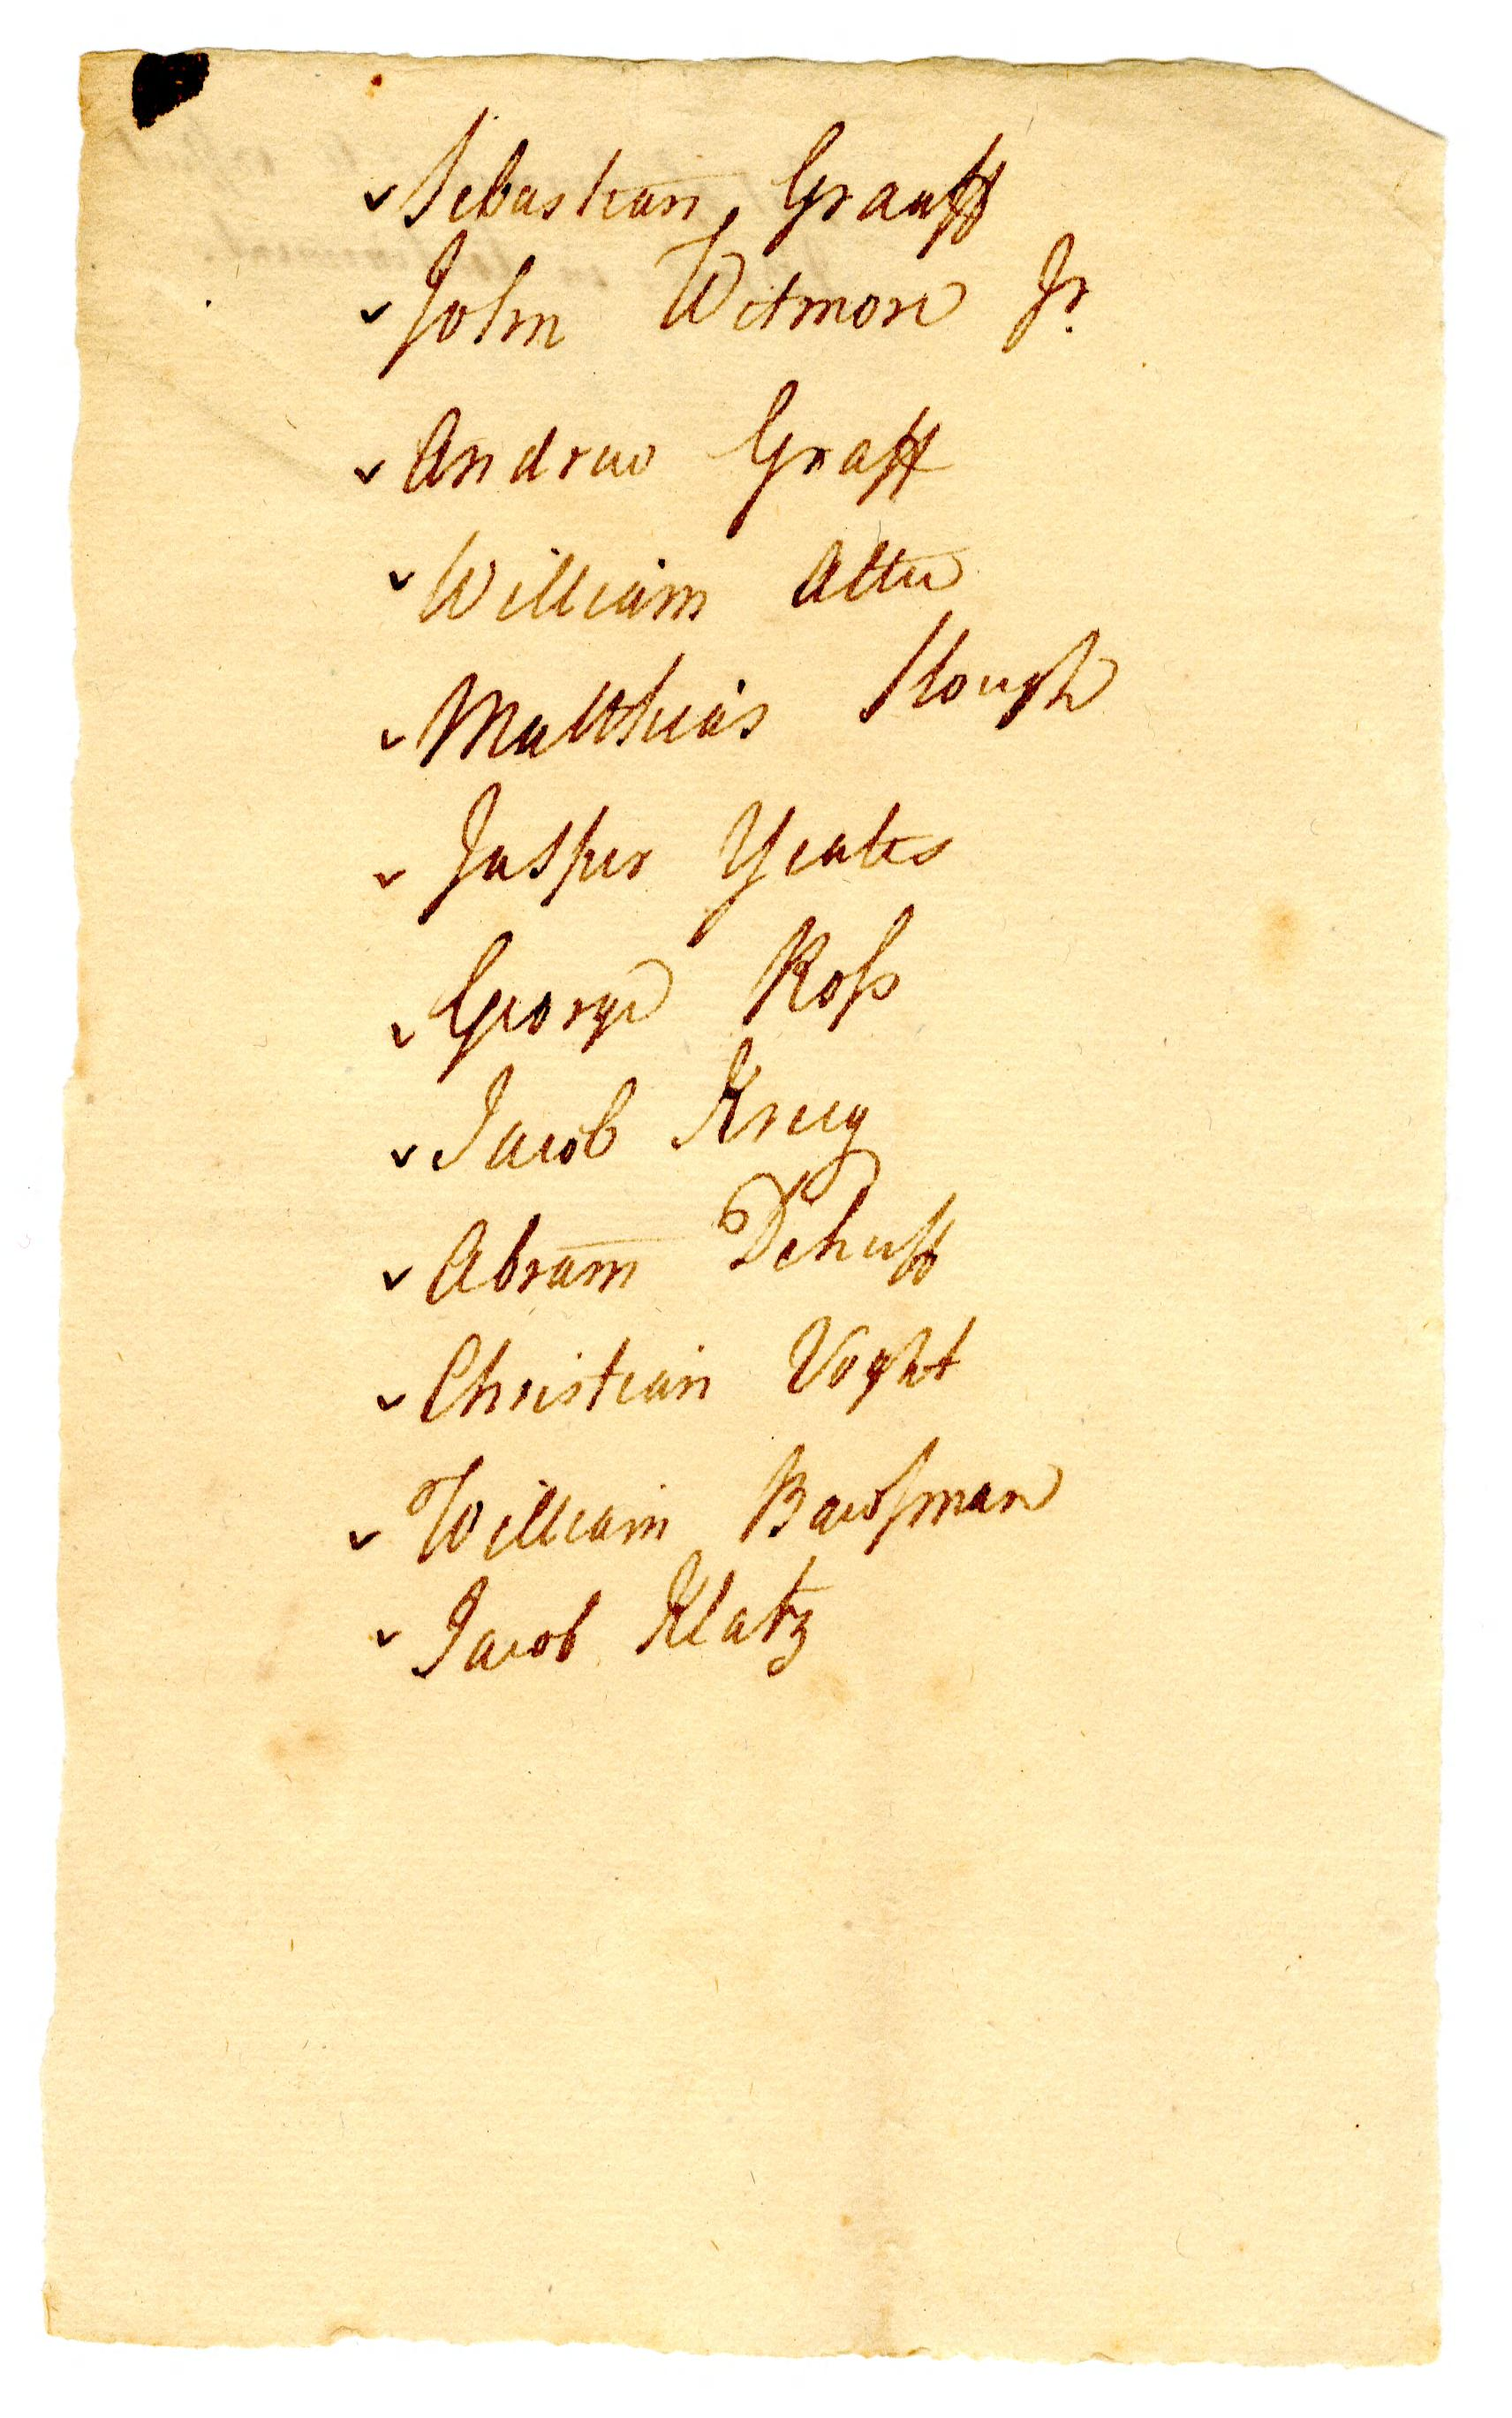Sebastian Graaff
John Witmore Jr.
Andrew Graff
William Attee
Matthias Slough
Jasper Yeates
George Ross
Jacob Krecy
Abram Dehuff
Christian Voght
William Bawsman
Jacob Klatz